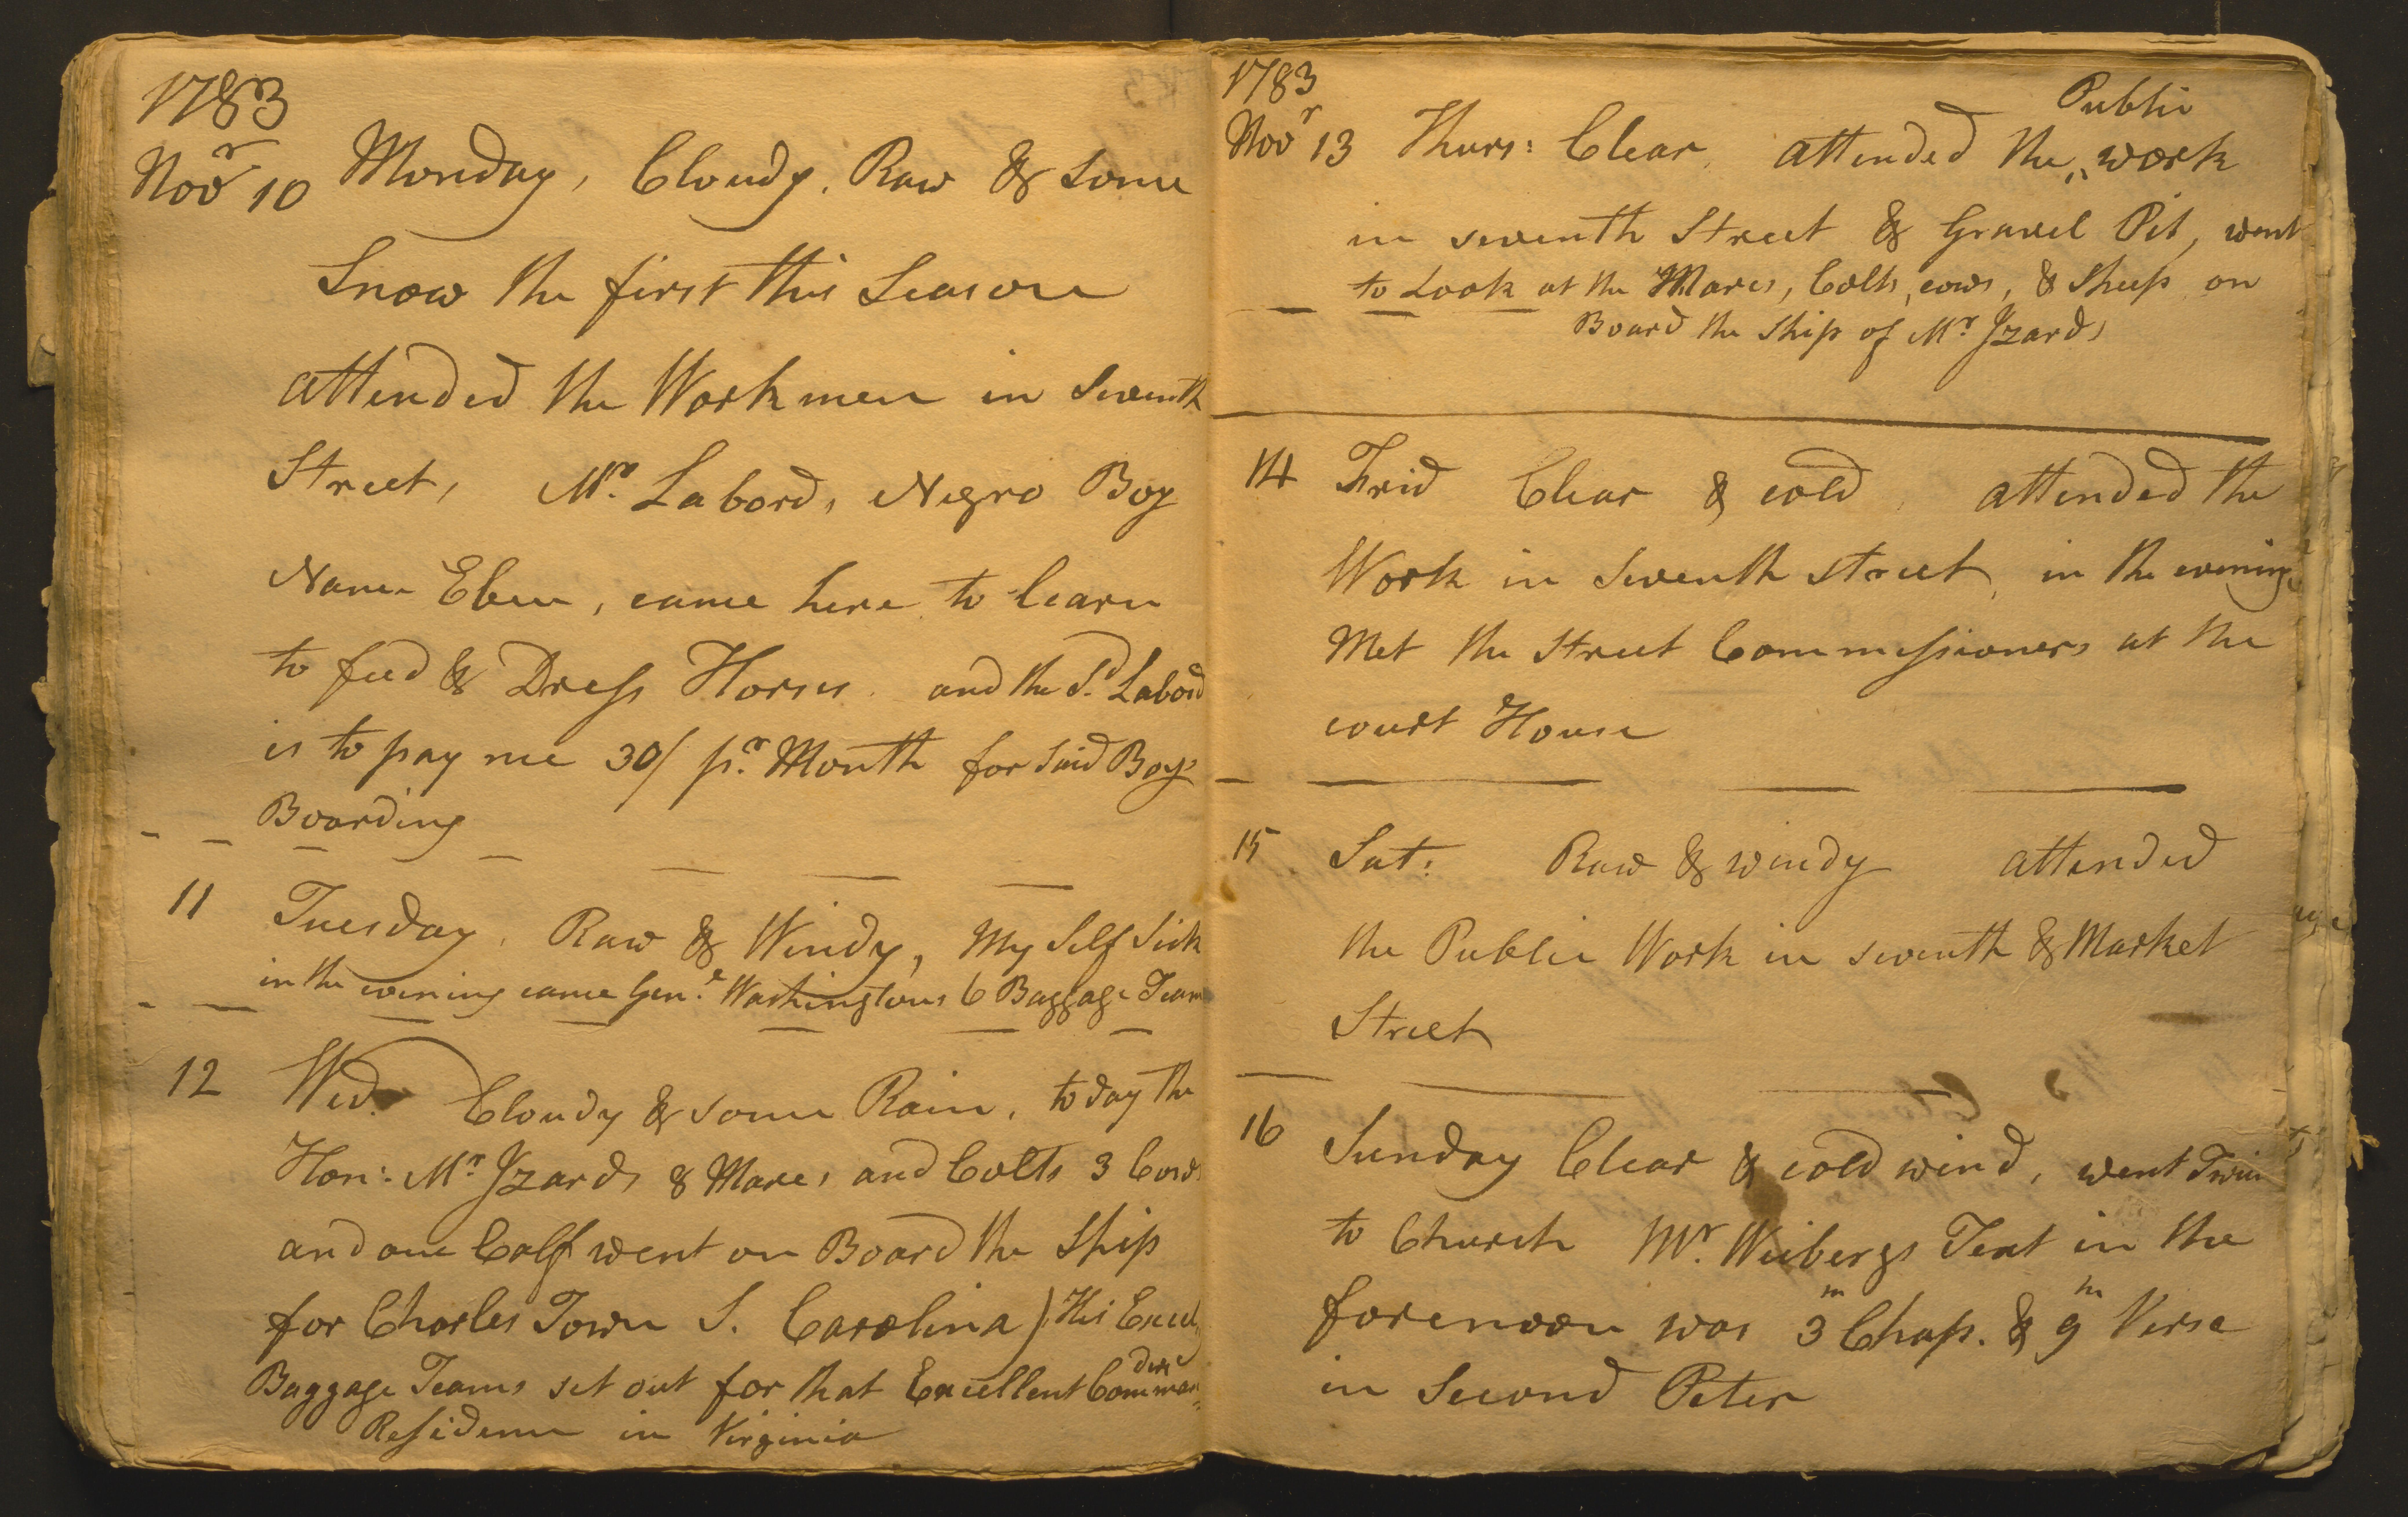1783
Nov^r 10
Monday, Cloudy. Raw & some
Snow the first this season
attended the Workmen in seventh
Street, M^r. Labord, Negro Boy
Name Eben, came here to learn
to feed & Dress Horses, and the s^d. Labord
is to pay me 30s p^r. Month for said Boys
Boarding
11 Tuesday. Raw & Windy My Self Sick
in the evening came Gen^l. Washingtons 6 Baggage Team
12 Wedr Cloudy & some Rain, to day the
Hon: M^r. Izards 8 Mare, and Colts 3 Cow
and one Calf went on Board the Ship
for Charles Tom S. Carolina ) This Excely
dir
Baggage Teams set out for that Excellent Comman^der
Residence in Virginia
1783
Public
Nov^r 13 Thurs: Clear, attended the ^ work
in seventh Street & Gravel Pit, went
to Look at the Mares, Colts, cows, & Sheep on
Board the ship of M^r. Izards
14 Frid Clear & cold attended the
Wook in seventh street in the evening
Met the Street Commissioners at the
court House
15 Sat. Raw & windy attended
the Public Work in seventh & Market
Street
16 Sunday Clear & cold wind, went Twice
to Church M^r. Weibergs Text in the
forenoon was 3^th Chap. & 9^th Verse
in second Peter